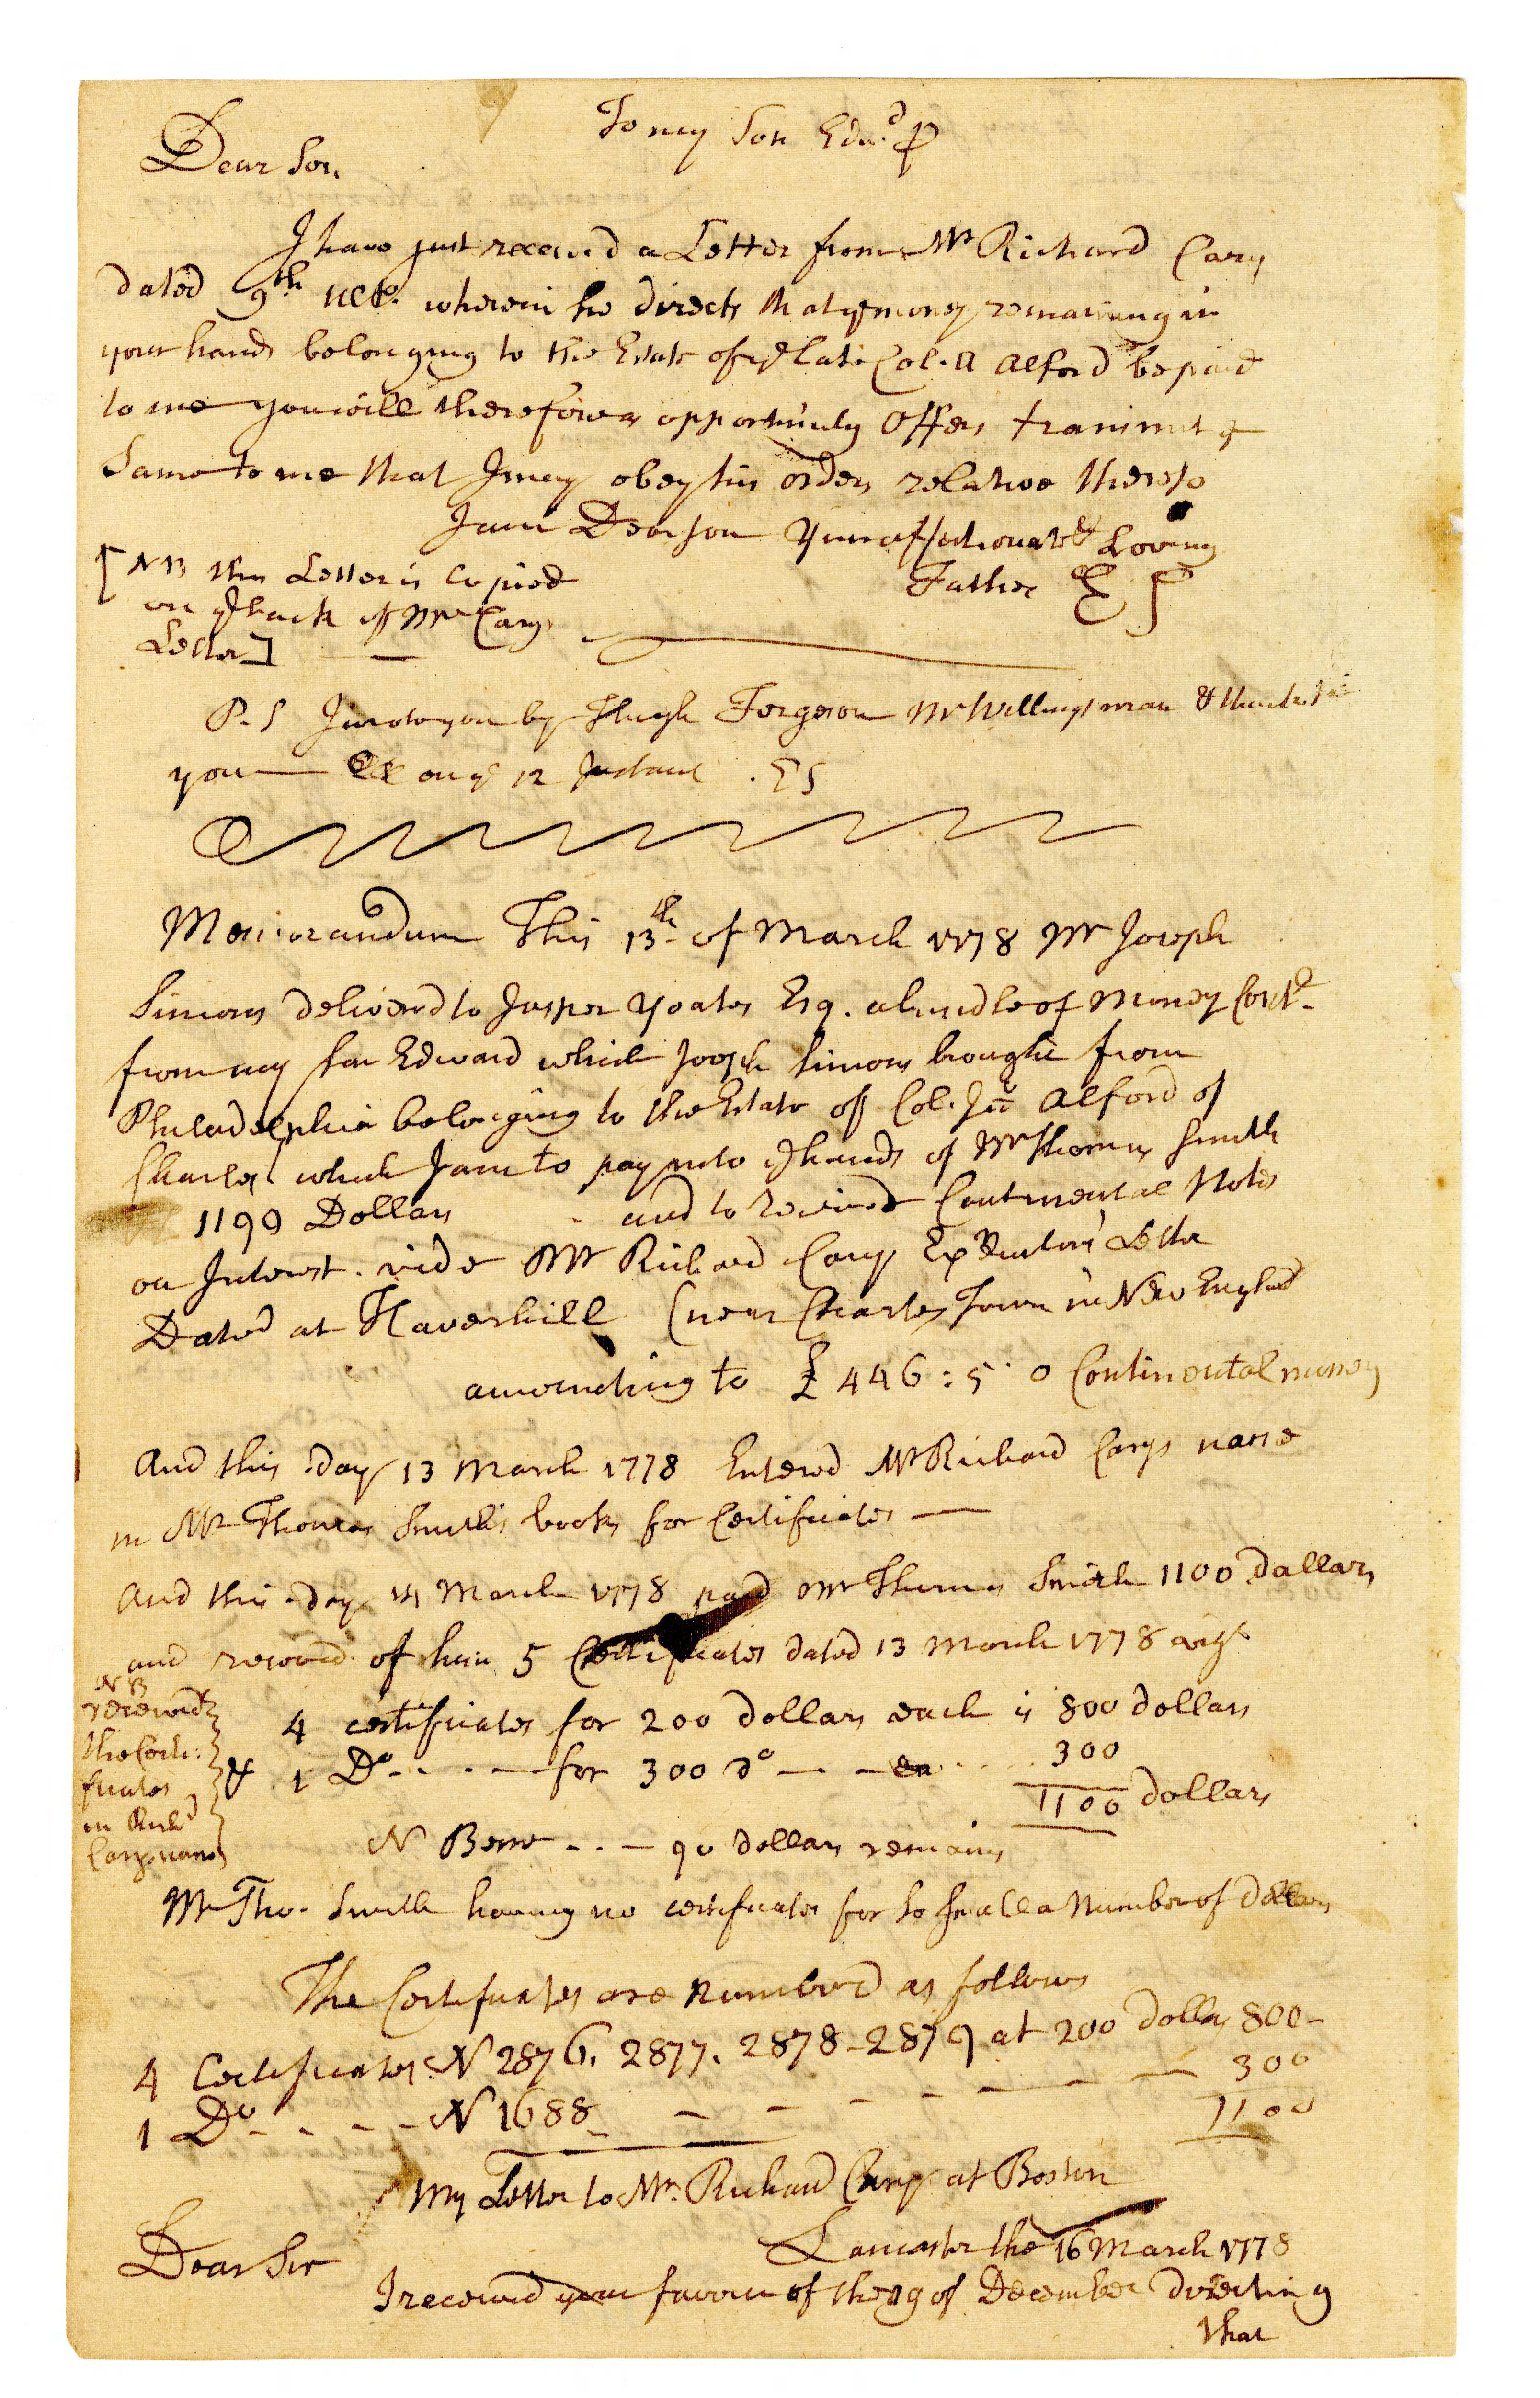To my Son Edw^d. S
Dear Son
I have just received a Letter from M^r Richard Cary
dated 9^th ult^o. wherein he directs that y^e money remaining in
your hands belonging to the Estate of y^e late Col. Alford be paid
to me you will there fore as opportunity Offers transmit of
Same to me that I may obey his orders relative thereto
I am Dear son your affectionate & Loving
Father
ES
[NB this Letter is copied
on y^e back of M^r Carys
Letter)
P.S I wrote you by Hugh Fergeson M^r Willings man & thank
you- [__] on y^e 12 Instant
ES
Memorandum This 13^th of March 1778 Mr Joseph
Simons deliverd to Jasper Yeates Esq. a bundle of money Cont^l.
from my son Edward which Joseph Simons brought from
PhiladIplia beloging to the Estate of Col. Jn^o Alford of
Chester which I am to pay note y^e hands of M^r Thomas Smith
1199 Dollars and to received Continental Notes
on Interest vide Mr Richard Cary Ex Rectors' Letter
Dated at Haverhill (near Charles Town in New England
amounting to £446:5 0 Continental money
And this day 13 March 1778 Enter'd M^r Richard Carys name
in M^r Thomas Smith's book for Certificates
and this day it March 1778 paid M Thomas Smith 1100 dollars
and received of him 5 Certificates dated 13 March 1778 a y^e
NB
receved
Tho Carle:
Coates &
in Rich^d
4 certificates for 200 dollars wich is 300 dollars
1 D^o--.- for 300 d^o--[__]- 300
1100 dollars
Carys man N Bems-.- 90 dollars remains
Mr Tho. Smith having no certificates for so small a Number of dollars,
The Certificates are numberd as follows
4 Certificates. N2876. 2877. 2878. 2879 at 200 dollars 800-
1 D^o ----N 1688 --------300
1100
My Letter to Mr. Richard Cary at Boston
Dear Sir
Lancaster the 16 March 1778
I received your favour of the 19 of December directing
that